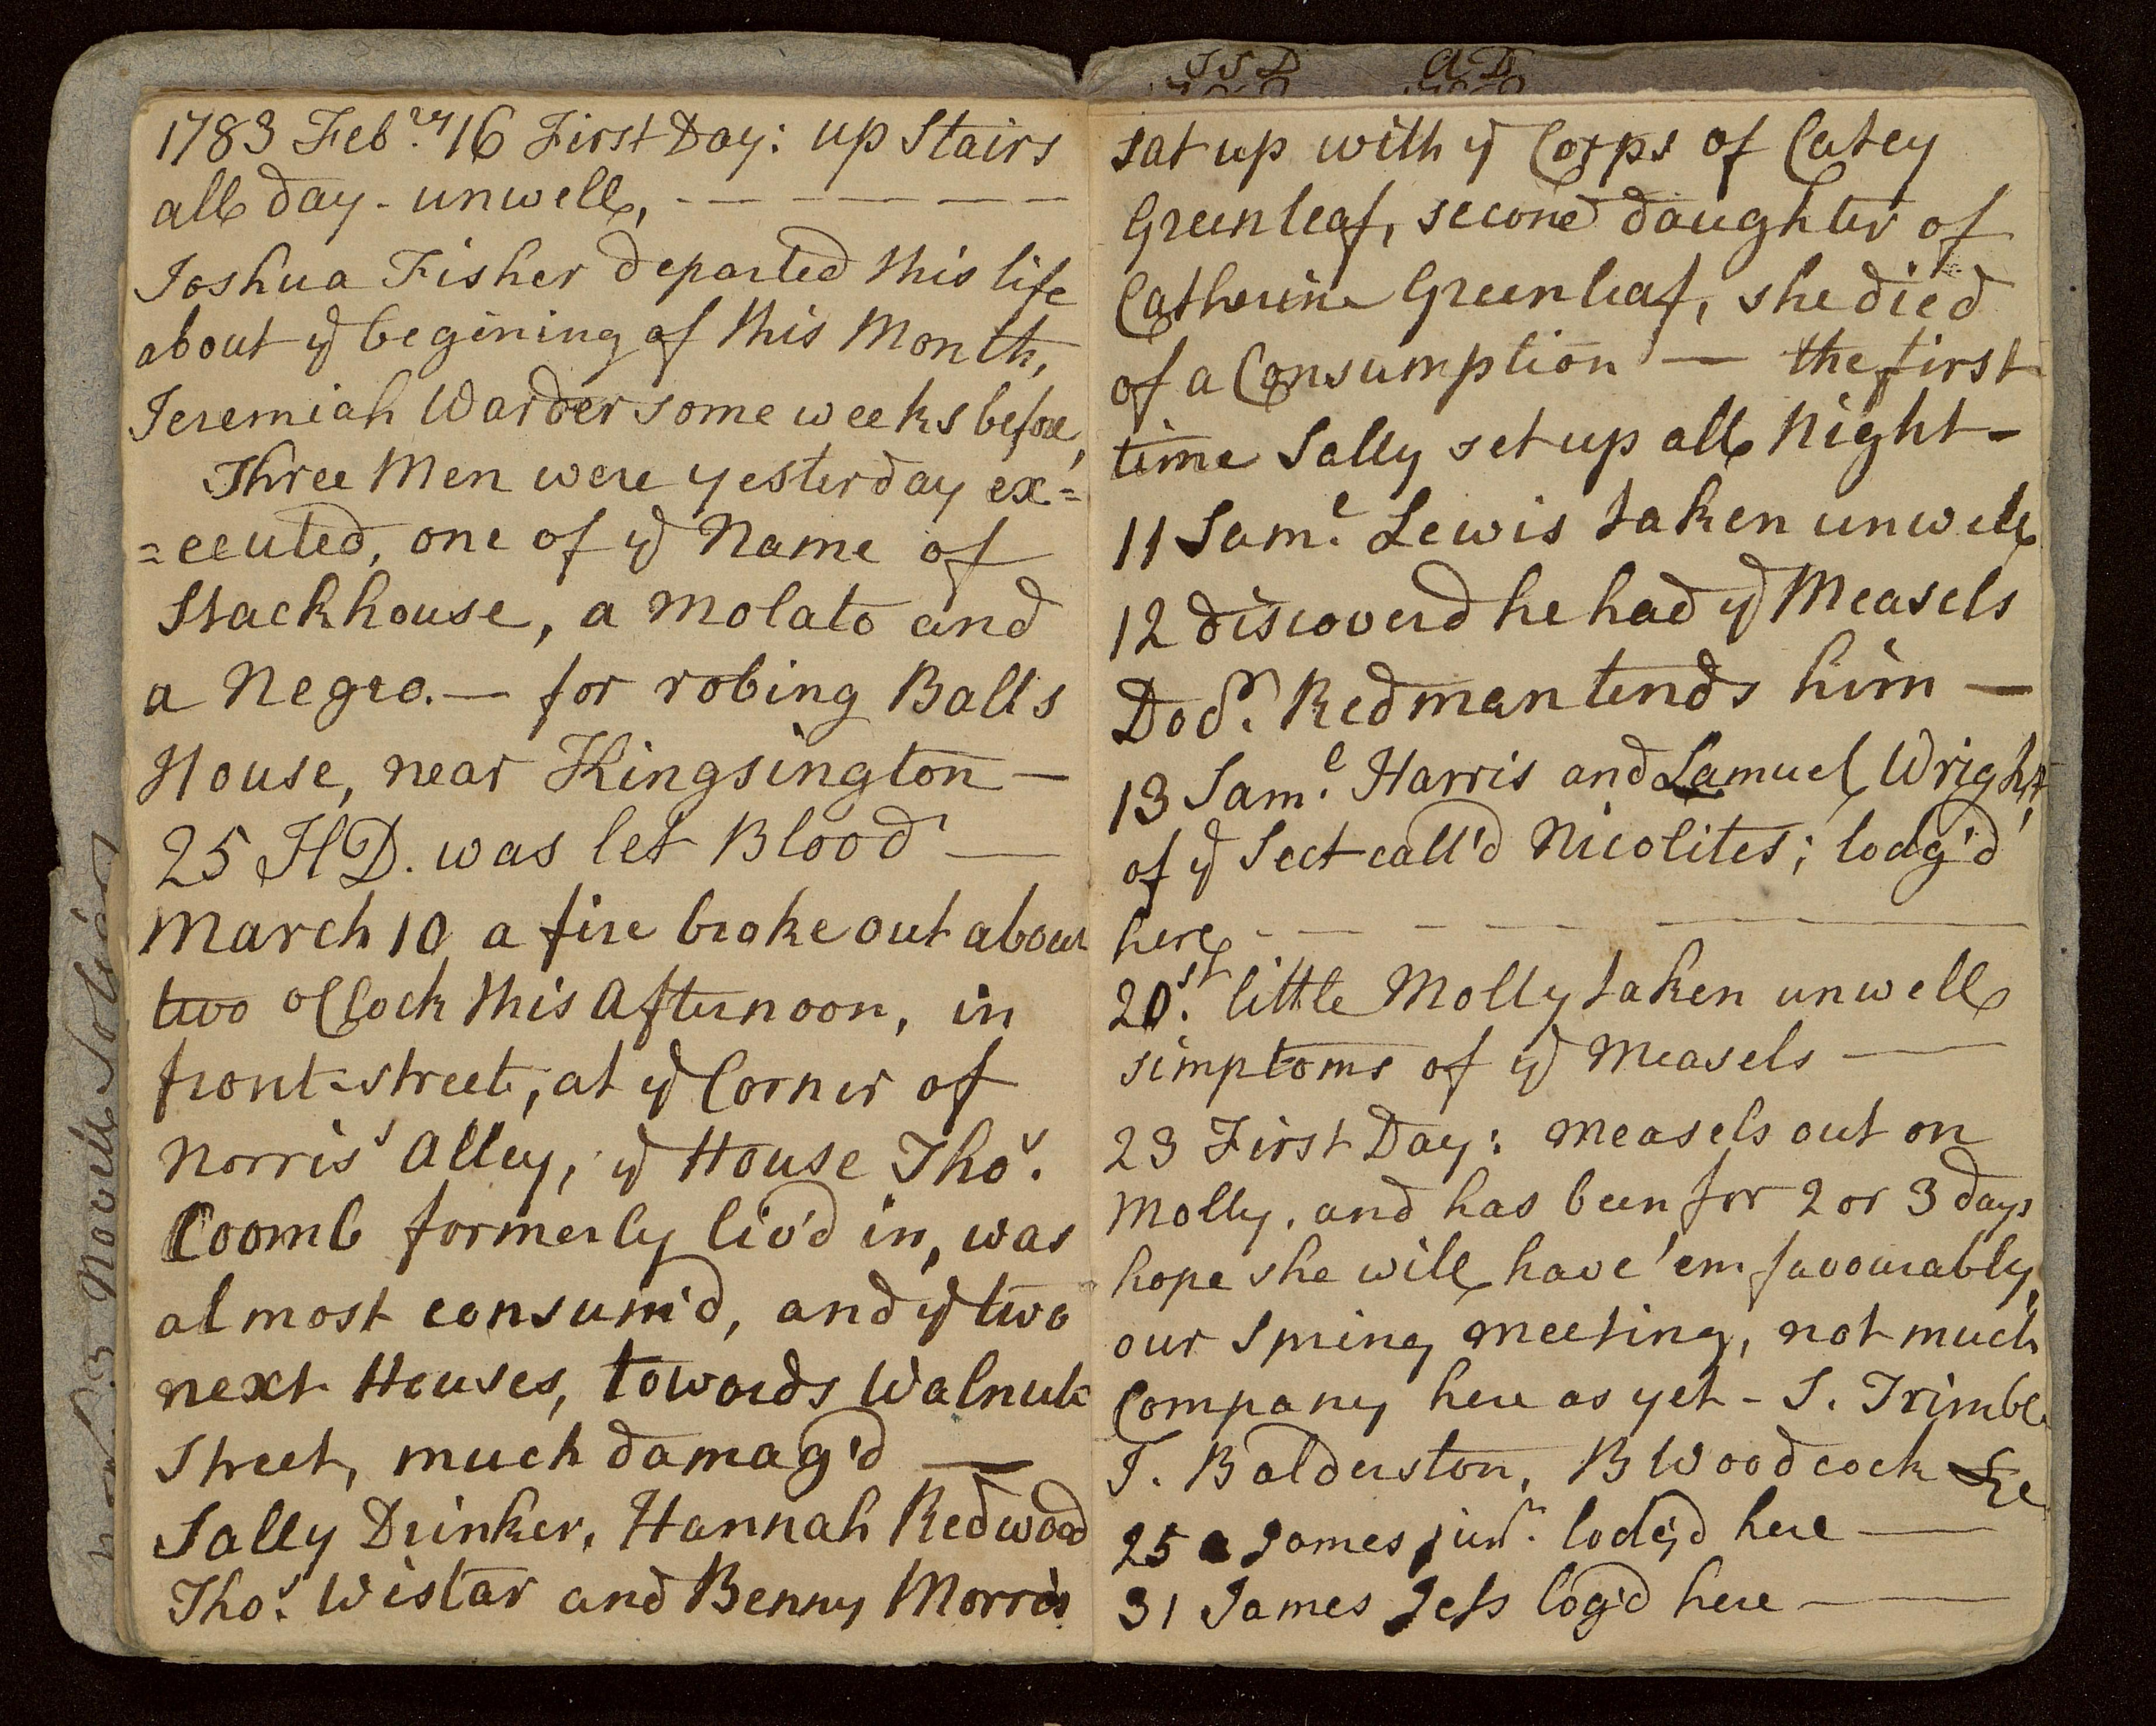1783 Feb^ry 16 First Day: up Stairs
all day, unwell,-----
Joshua Fisher departed this life
about y^e begining of this month,
Jeremiah Warber some weeks before,
Three Men were yesterday ex-
-ecuted, one of y^e name of
Stackhouse, a molato and
a Negro.- for robing Balls
House, near Kingsington-
25 HD. was let Blood-
March 10 a fire broke out about
two ^o Clock this Afternoon, in
front-street, at y^e Corner of
Norris^s Alley, y^e House Tho^s.
Coomb formerly liv'd in, was
almost consum'd, and y^e two
next Houses, towards Walnut
Sheet, much damag'd
Sally Drinker, Hannah Redwood
Tho^s. Wistar and Benny Morris
sat up with y^e Corps of Catey
Greenleaf, second daughter of
Catherine Greenleaf, she died
of a Consumption- the first
time Sally set up all Night-
11 Sam^l. Lewis taken unwell
12 discoverd he had y^e Measels
Doc^r. Redman tends him-
13 Sam^l Harris and Lamuel Wright
of y^e Sect call'd Nicolites; lodg'd
here
20^st. little Molly taken unwell
simptoms of y^e Measels-
23 First Day: measels out on
Molly, and has been for 2 or 3 days
hope she will have 'em favourably,
our Spring meeting, not much
Company here as yet- S. Trimble
J Balderston, B Woodcock &c
25 A James jun^r. lodg'd here-
31 James Jess log'd here-